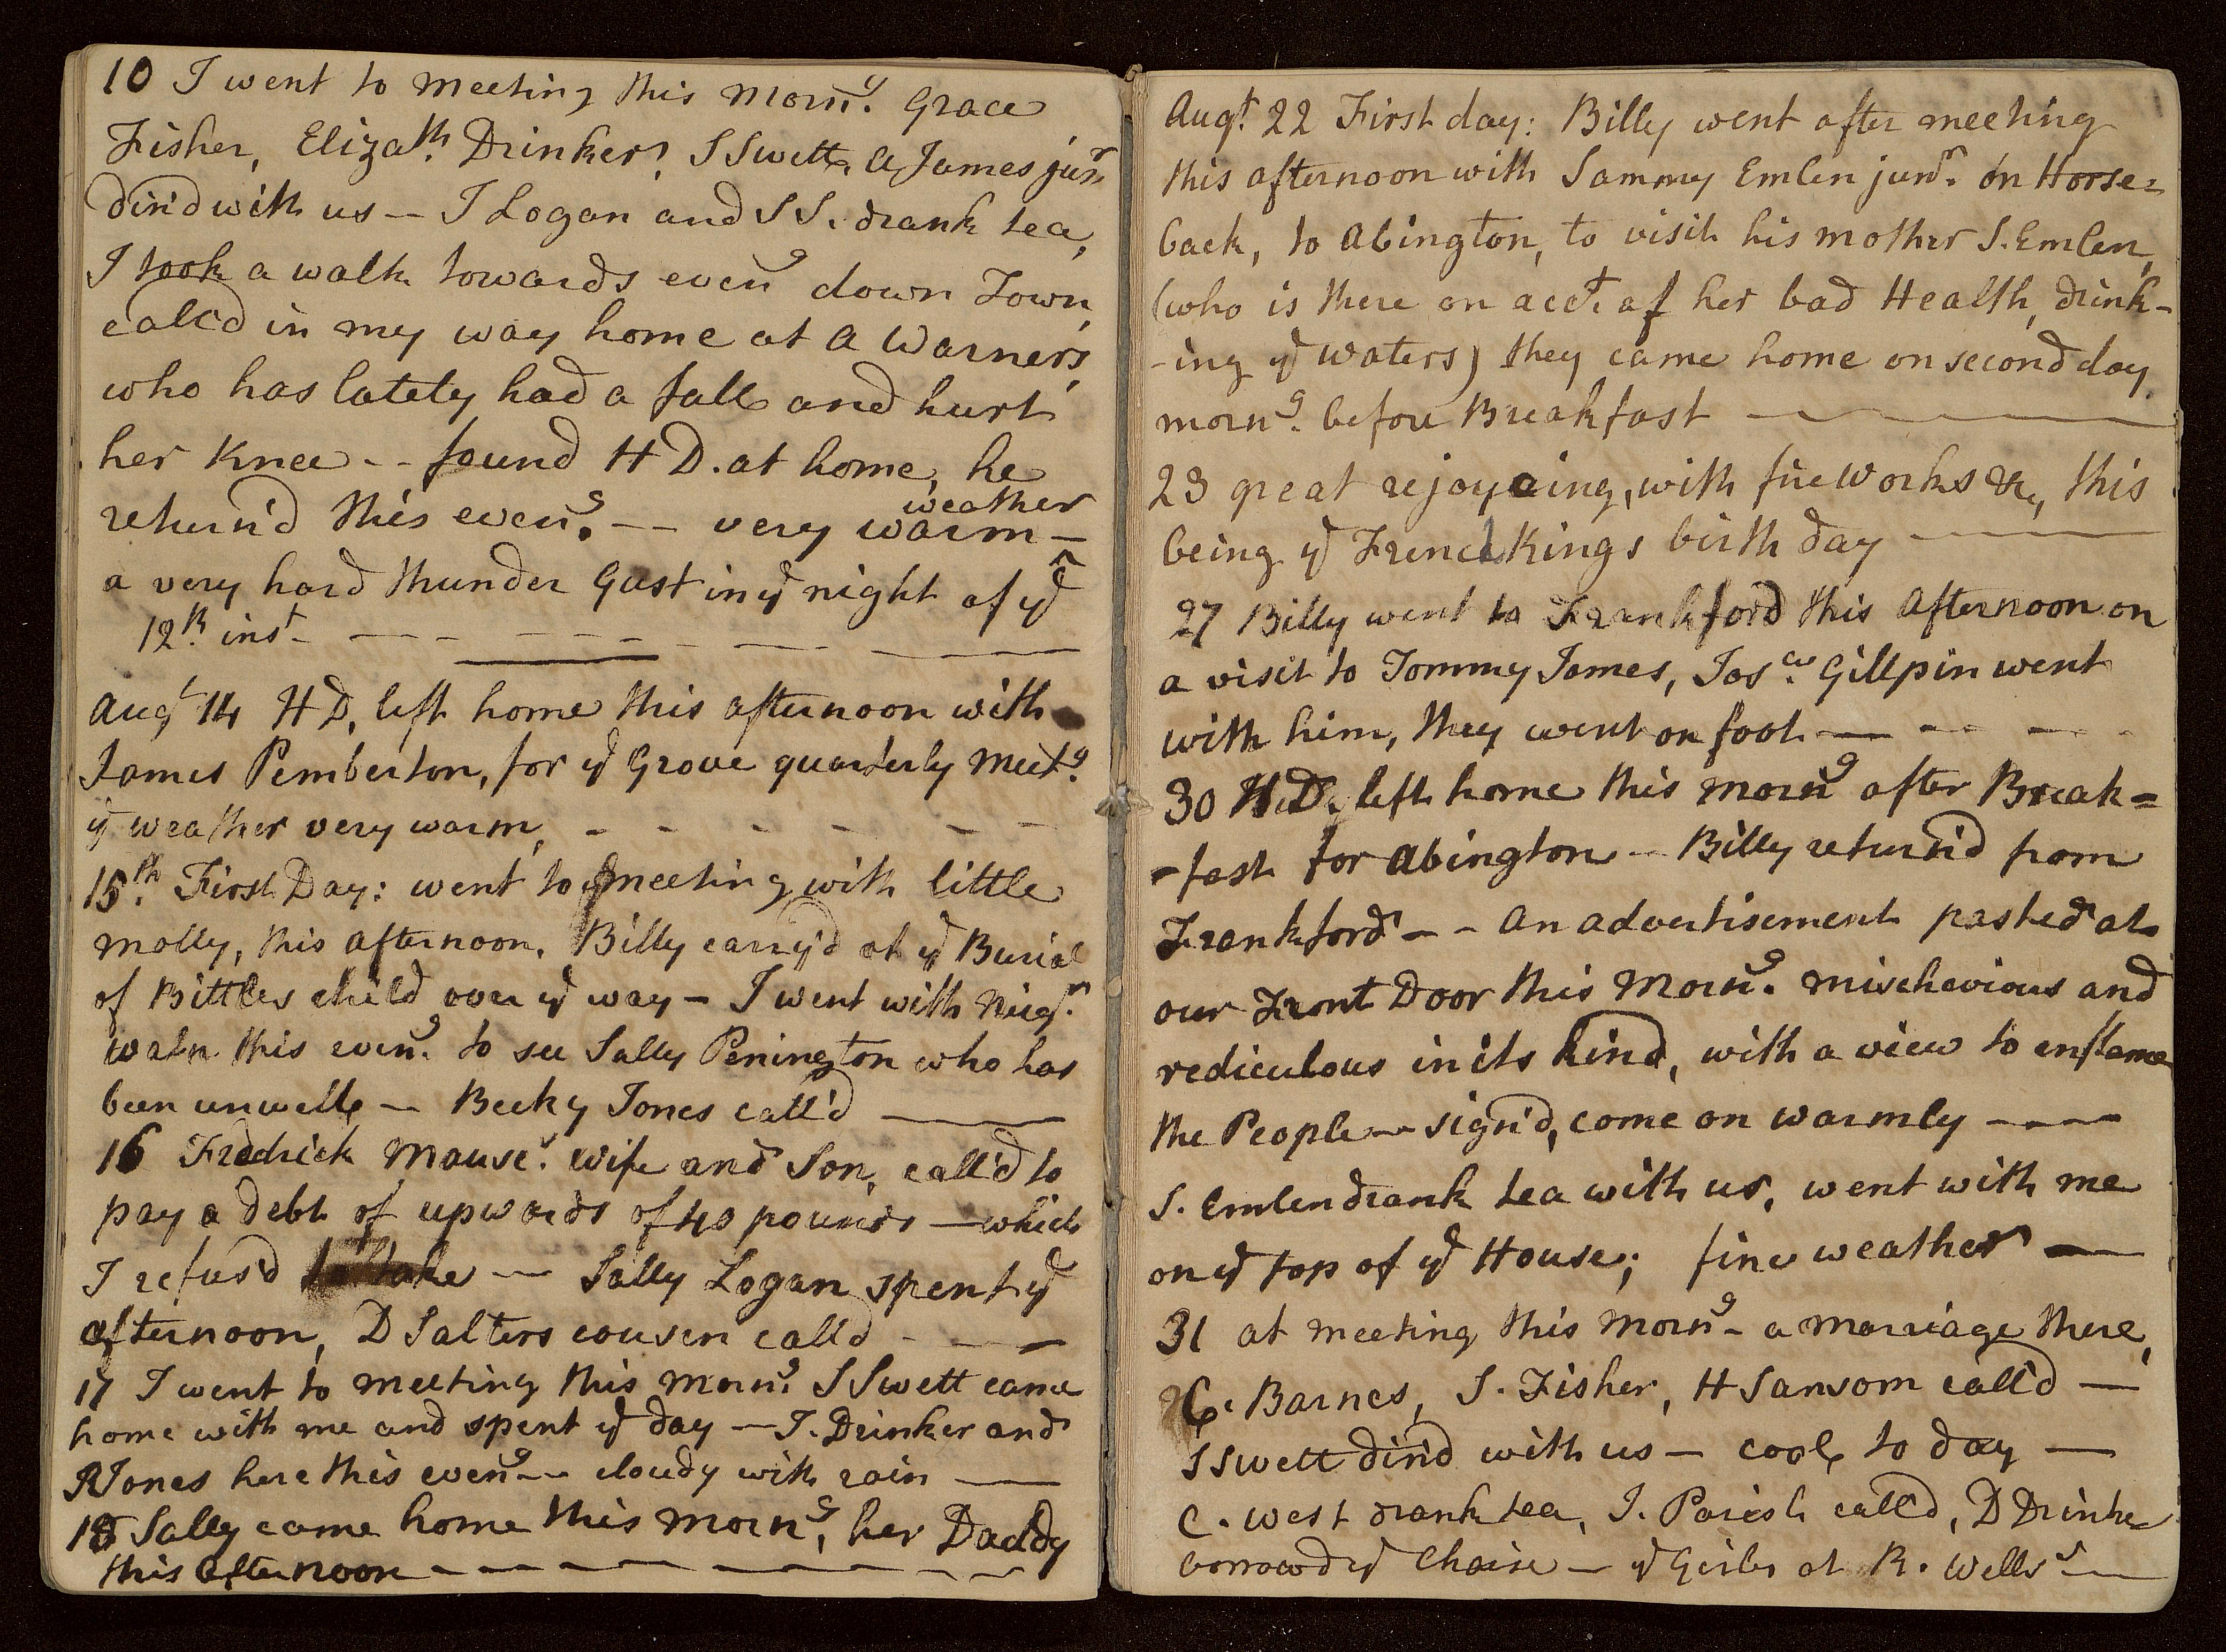10 I went to meeting this morn^g. Grace
Fisher, Eliza^th. Drinker, S Swett, A James jun^r.
din'd with us- T Logon and SS. drank tea,
I took a walk towards even^g down Town,
call'd in my way home at a Warners,
who has lately had a fall and hurt
her knee-- found HD. at home, he
weather
return'd this even^g.- very warm ^-
a very hard thunder Gust in y^e night of y^e
12^th. ins^t--
Aug^t 14 HD. left home this afternoon with
James Pemberton, for y^e Grove quarterly meet^g.
y^e weather very warm--
15^th. First Day: went to meeting with little
Molly, this afternoon. Billy carry'd at y^e Burial
of Bittles child over y^e way- I went with Neig^r.
Waln this even^g. to see Sally Penington who has
been unwell- Becky Jones call'd-
16 Fredrick Mause^s. Wife and Son, call'd to
pay a debt of upwards of 40 pounds- which
I refus'd to take - Sally Logan spent y^e
afternoon, D Salters cousen calld--
17 I went to meeting this morn^g. S Swett came
home with me and spent y^e day- I. Drinker and
S Jones here this even^g-- cloudy with rain-
18 Sally come home This morn^g. her Daddy
this Afternoon-
Aug^t. 22 First day: Billy went afer meeting
this afternoon with Sammy Emlen jun^r. on Horse-
back, to Abington, to visit his mother S. Emlen,
(who is there on acc^t. of her bad Health, drink-
-ing y^e waters) they came home on second day
morn^g. before Breakfast-
23 great rejoycing, with fire works &c, this
being y^e FrenchKings birth day-
27 Billy went to Frankford this Afternoon on
a visit to Tommy James, Jos^a. Gillpin went
with him, they went on foot---
30 H.D. left home this morn^g after Break-
-fast for Abington- Billy return'd from
Frankford-- An advertisement pasted at
our Front Door this morn^g. mischevious and
rediculous in its kind, with a view to enflame
the People- sign'd, come on warmly-
S. Emlen drank tea with us, went with me
on y^e top of y^e House; fine weather-
31 at meeting this morn^g- a marriage there,
C. Barnes, S. Fisher, H Sansom call'd-
S Swett din'd with us- cool to day-
C. West drank tea, I. Parish call'd, D Drinker
borrow y^e Chaise - y^e Girles at R. Wells^s-